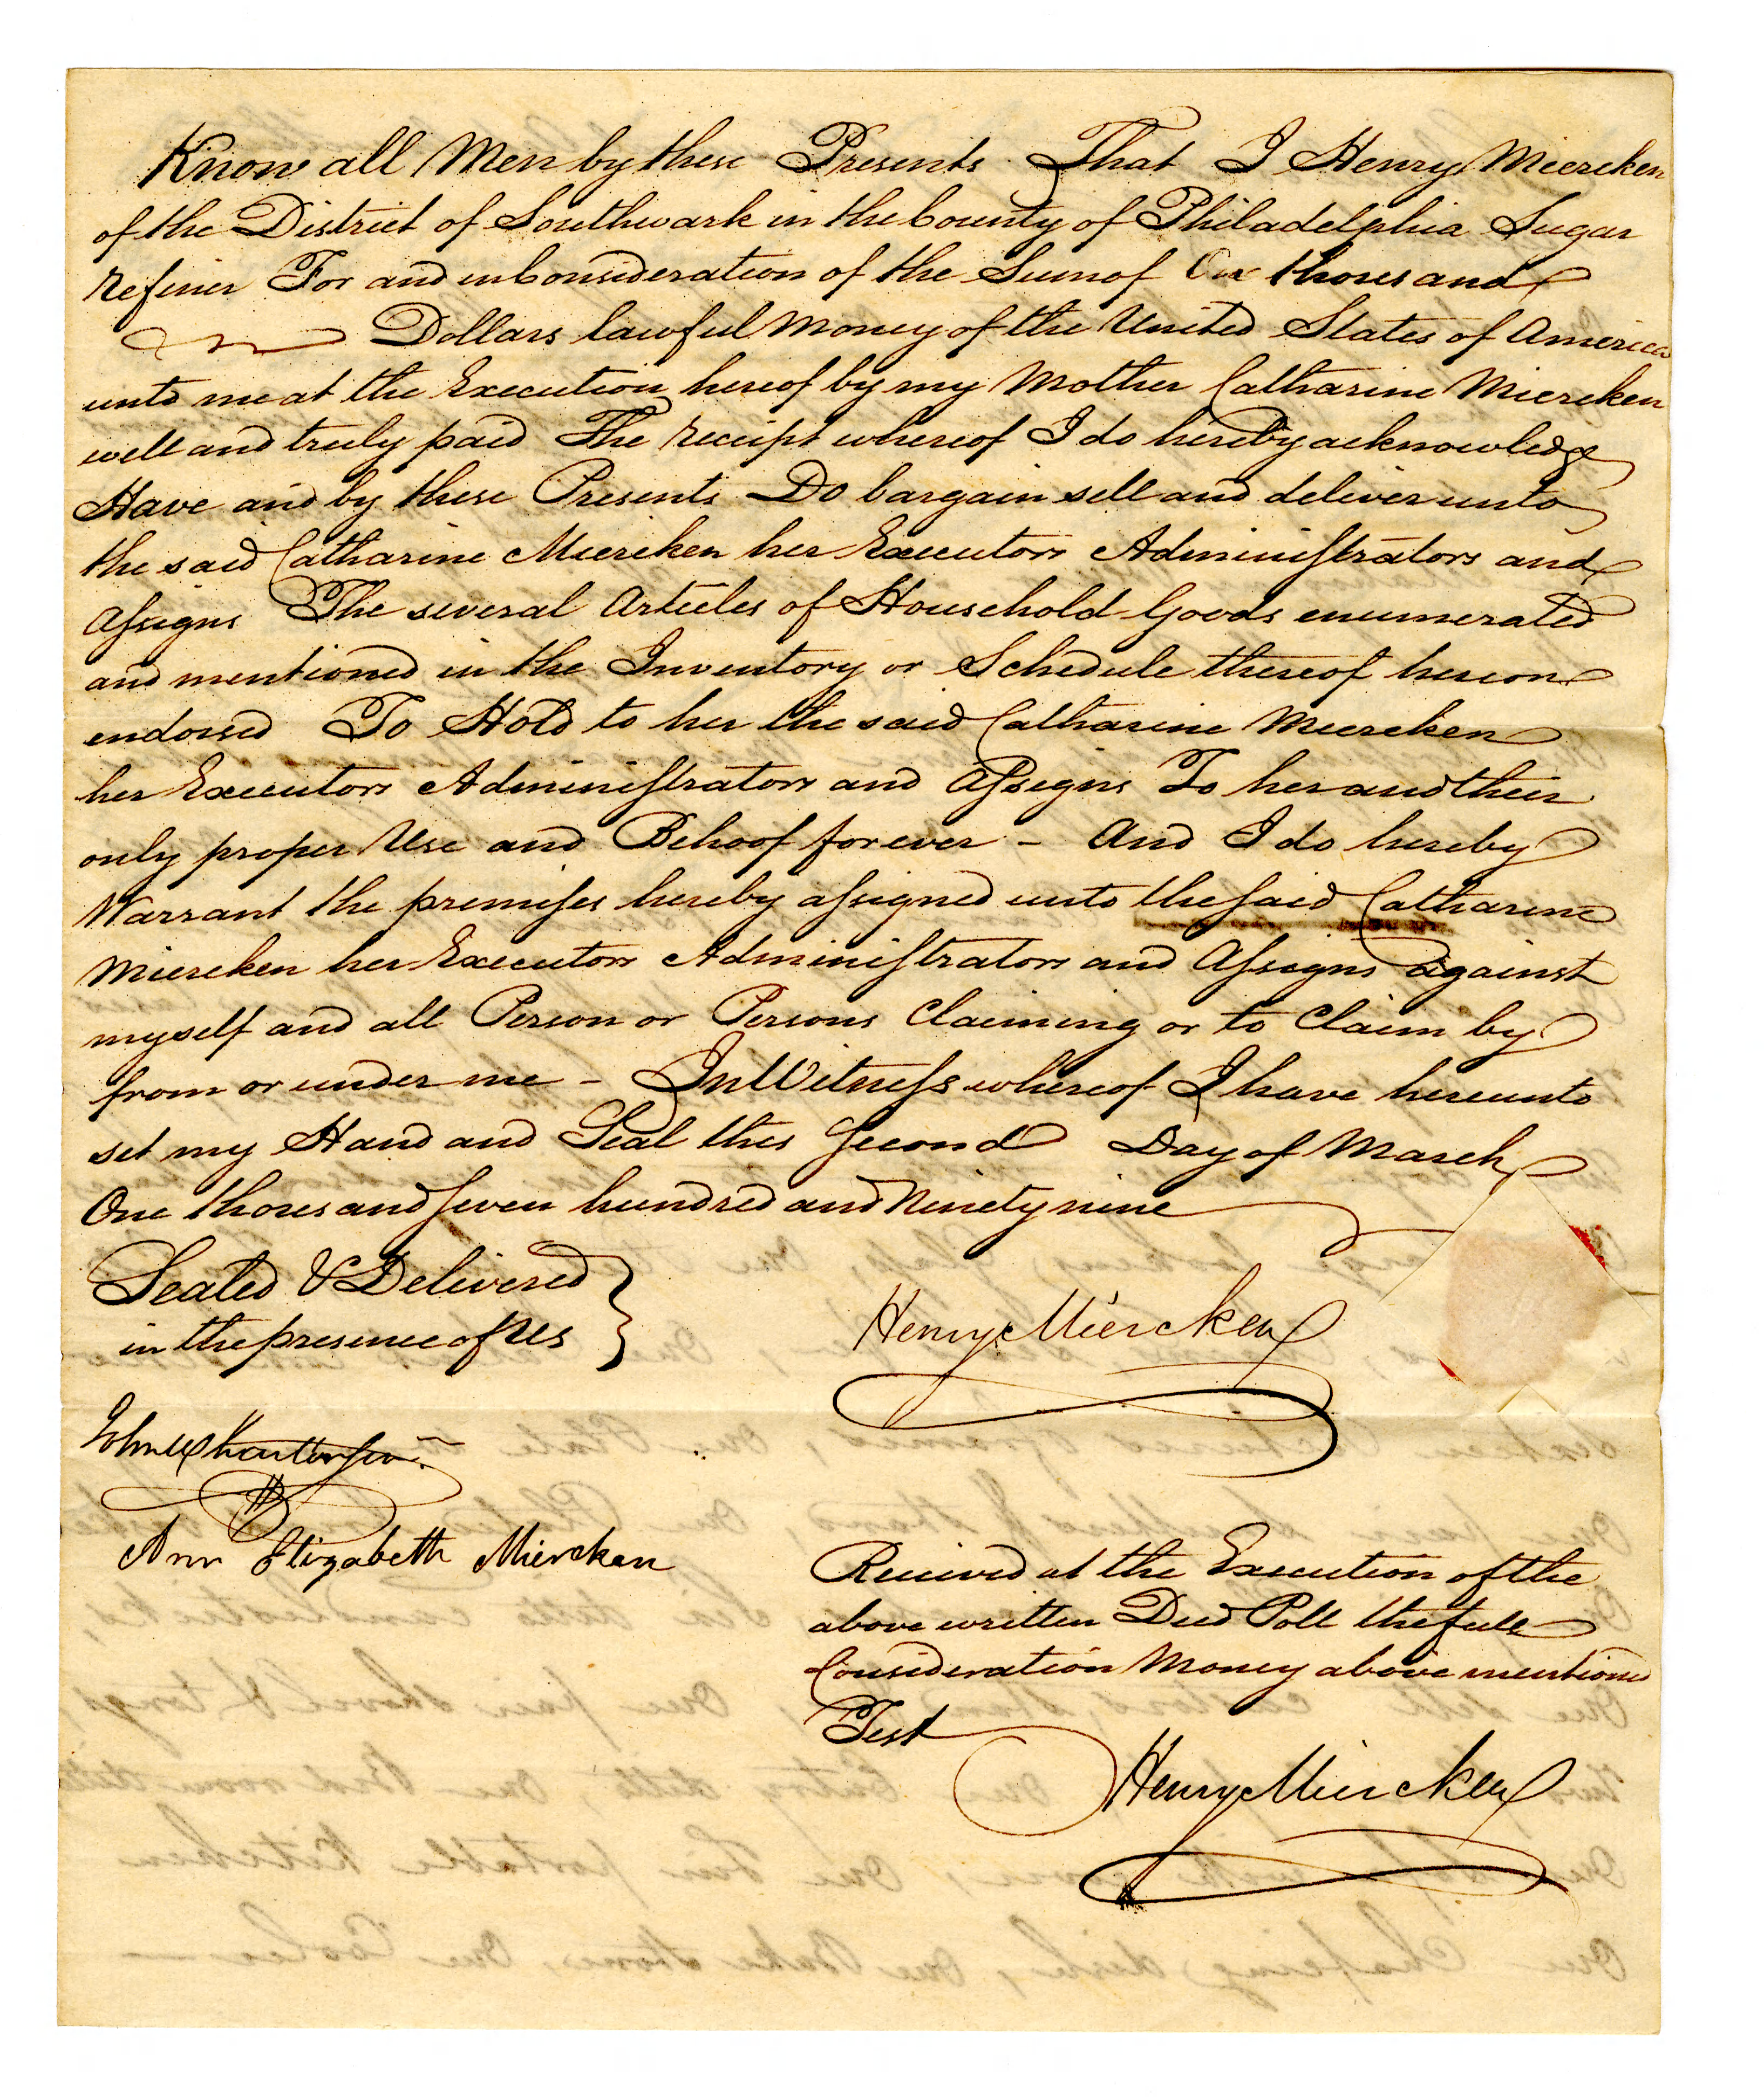Know all men by these Presents That I Henry Miercken
of the District of Southwark in the County of Philadelphia Sugar
refiner For and in Consideration of the sum of One thousand
-Dollars lawful money of the United States of America
unto me at the Executors hereof by my Mother Catharine Miercken
will and truly paid The receipt whereof I do hereby acknowledge
Have and by these Presents Do bargain sell and deliver unto
the said Catharine Miercken her Executor Administrators and
assigns The several articles of Household Goods enumerated
and mentioned in the Inventory or Schedule thereof hereon
endorsed To Hold to her the said Catharine Miercken
her Executors Administrators and assigns To her and their
only proper use and Behoof for ever – and I do hereby
Warrant the premises hereby assigned unto the said Catharine
Miercken her Executor Administrator and Assigns against
myself and all Person or Persons Claiming or to Claim by
from or under me In Witness whereof I have hereunto
set my Hand and Seal this second Day of March
One thousand seven hundred and ninety nine
Sealed & Delivered
in the presence of us
Henry Miercken
John Kartinsen
Ann Elizabeth Miercken
Received at the Execution of the
above written Deed Poll the full
Consideration Money above mentioned
Text
Henry Miercken